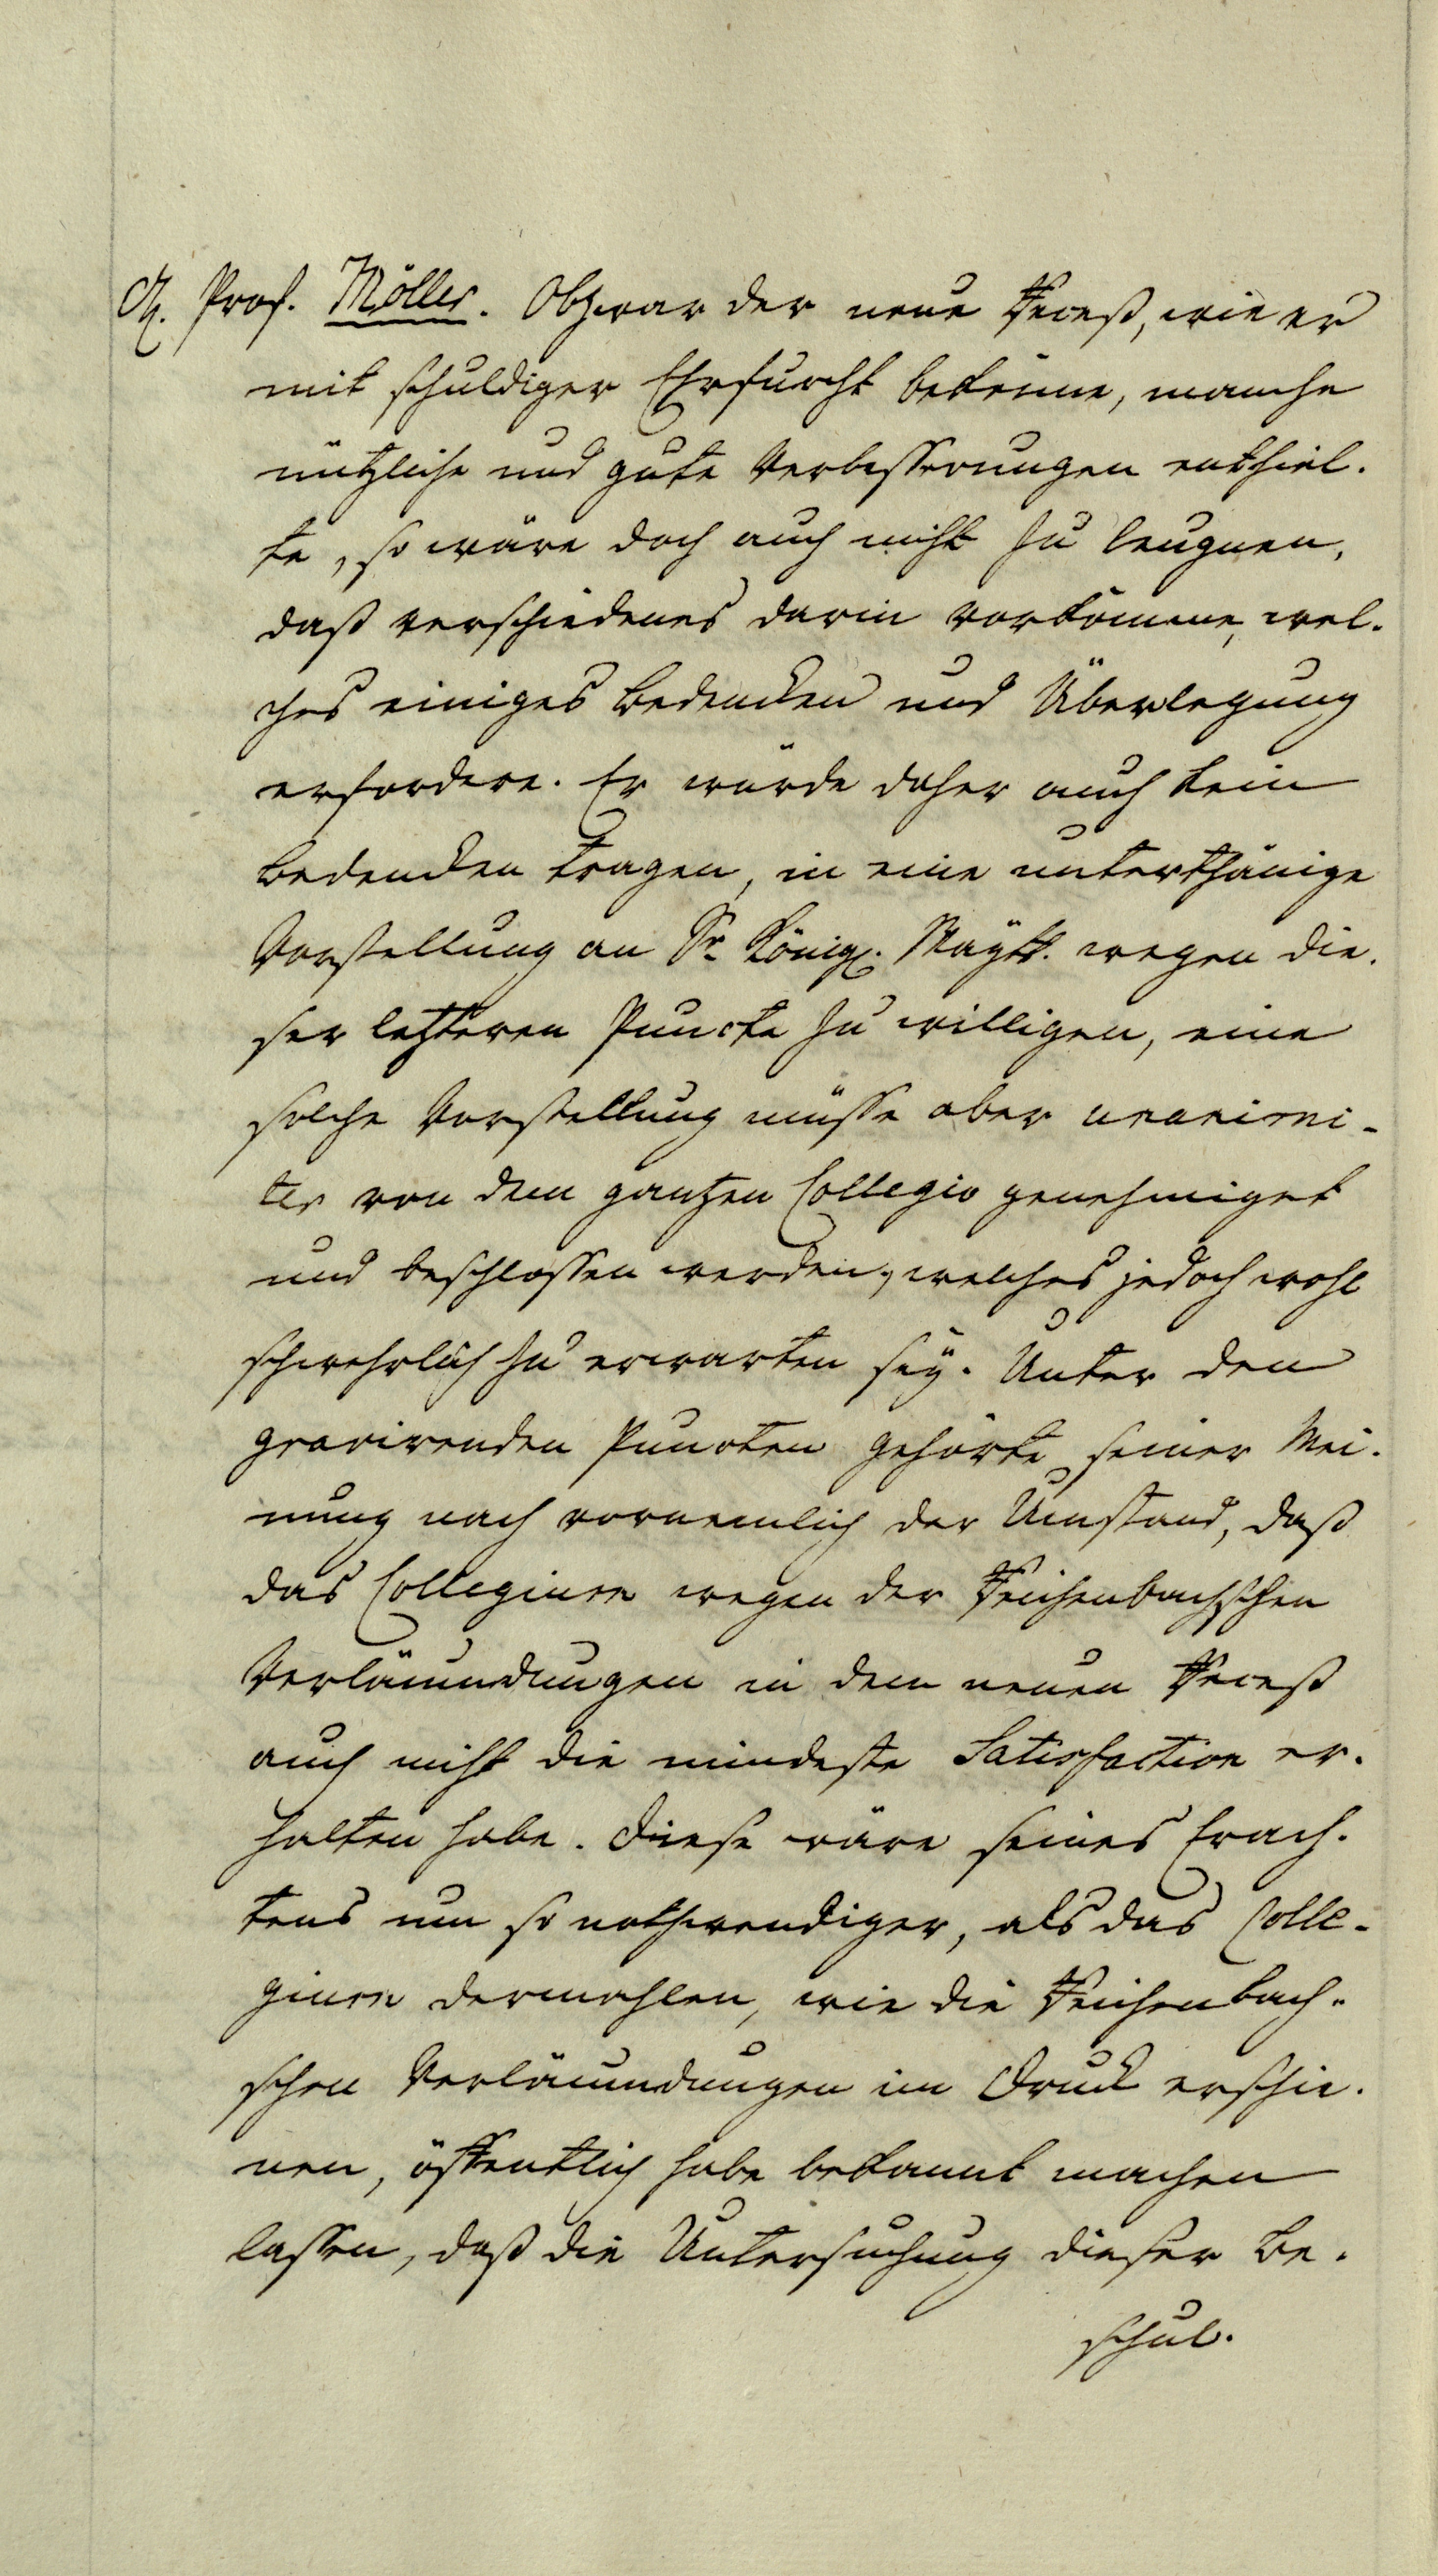dh. Prof. Möller. Obzwar der neue Receß, wie er
mit schuldiger Ehrfurcht bekenne, manche
nützliche und gute Verbesserungen enthiel¬
te, so wäre doch auch nicht zu leugnen,
daß verschiedenes darin vorkomme, wel¬
ches einiges Bedencken und Überlegung
erfordere. Er würde daher auch kein
Bedencken tragen, in eine unterthänige
Vorstellung an Sr Königl. Maÿtt. wegen die¬
ser letzteren Puncte zu willigen, eine
solche Vorstellung müsse aber unanimi-
ter von dem ganzen Collegio genehmiget
und beschlossen werden, welches jedoch wohl
schwehrlich zu erwarten seÿ. Unter den
gravirenden Puncten gehörte, seiner Mei¬
nung nach vornemlich der Umstand, daß
das Collegium wegen der Reichenbachschen
Verläumdungen in dem neuen Receß
auch nicht die mindeste Satisfaction er¬
halten habe. Diese wäre seines Erach¬
tens um so nothwendiger, als das Colle¬
gium dermahlen, wie die Reichenbach¬
schen Verläumdungen im Druck erschie¬
nen, öffentlich habe bekannt machen
lassen, daß die Untersuchung dieser Be¬
schul¬